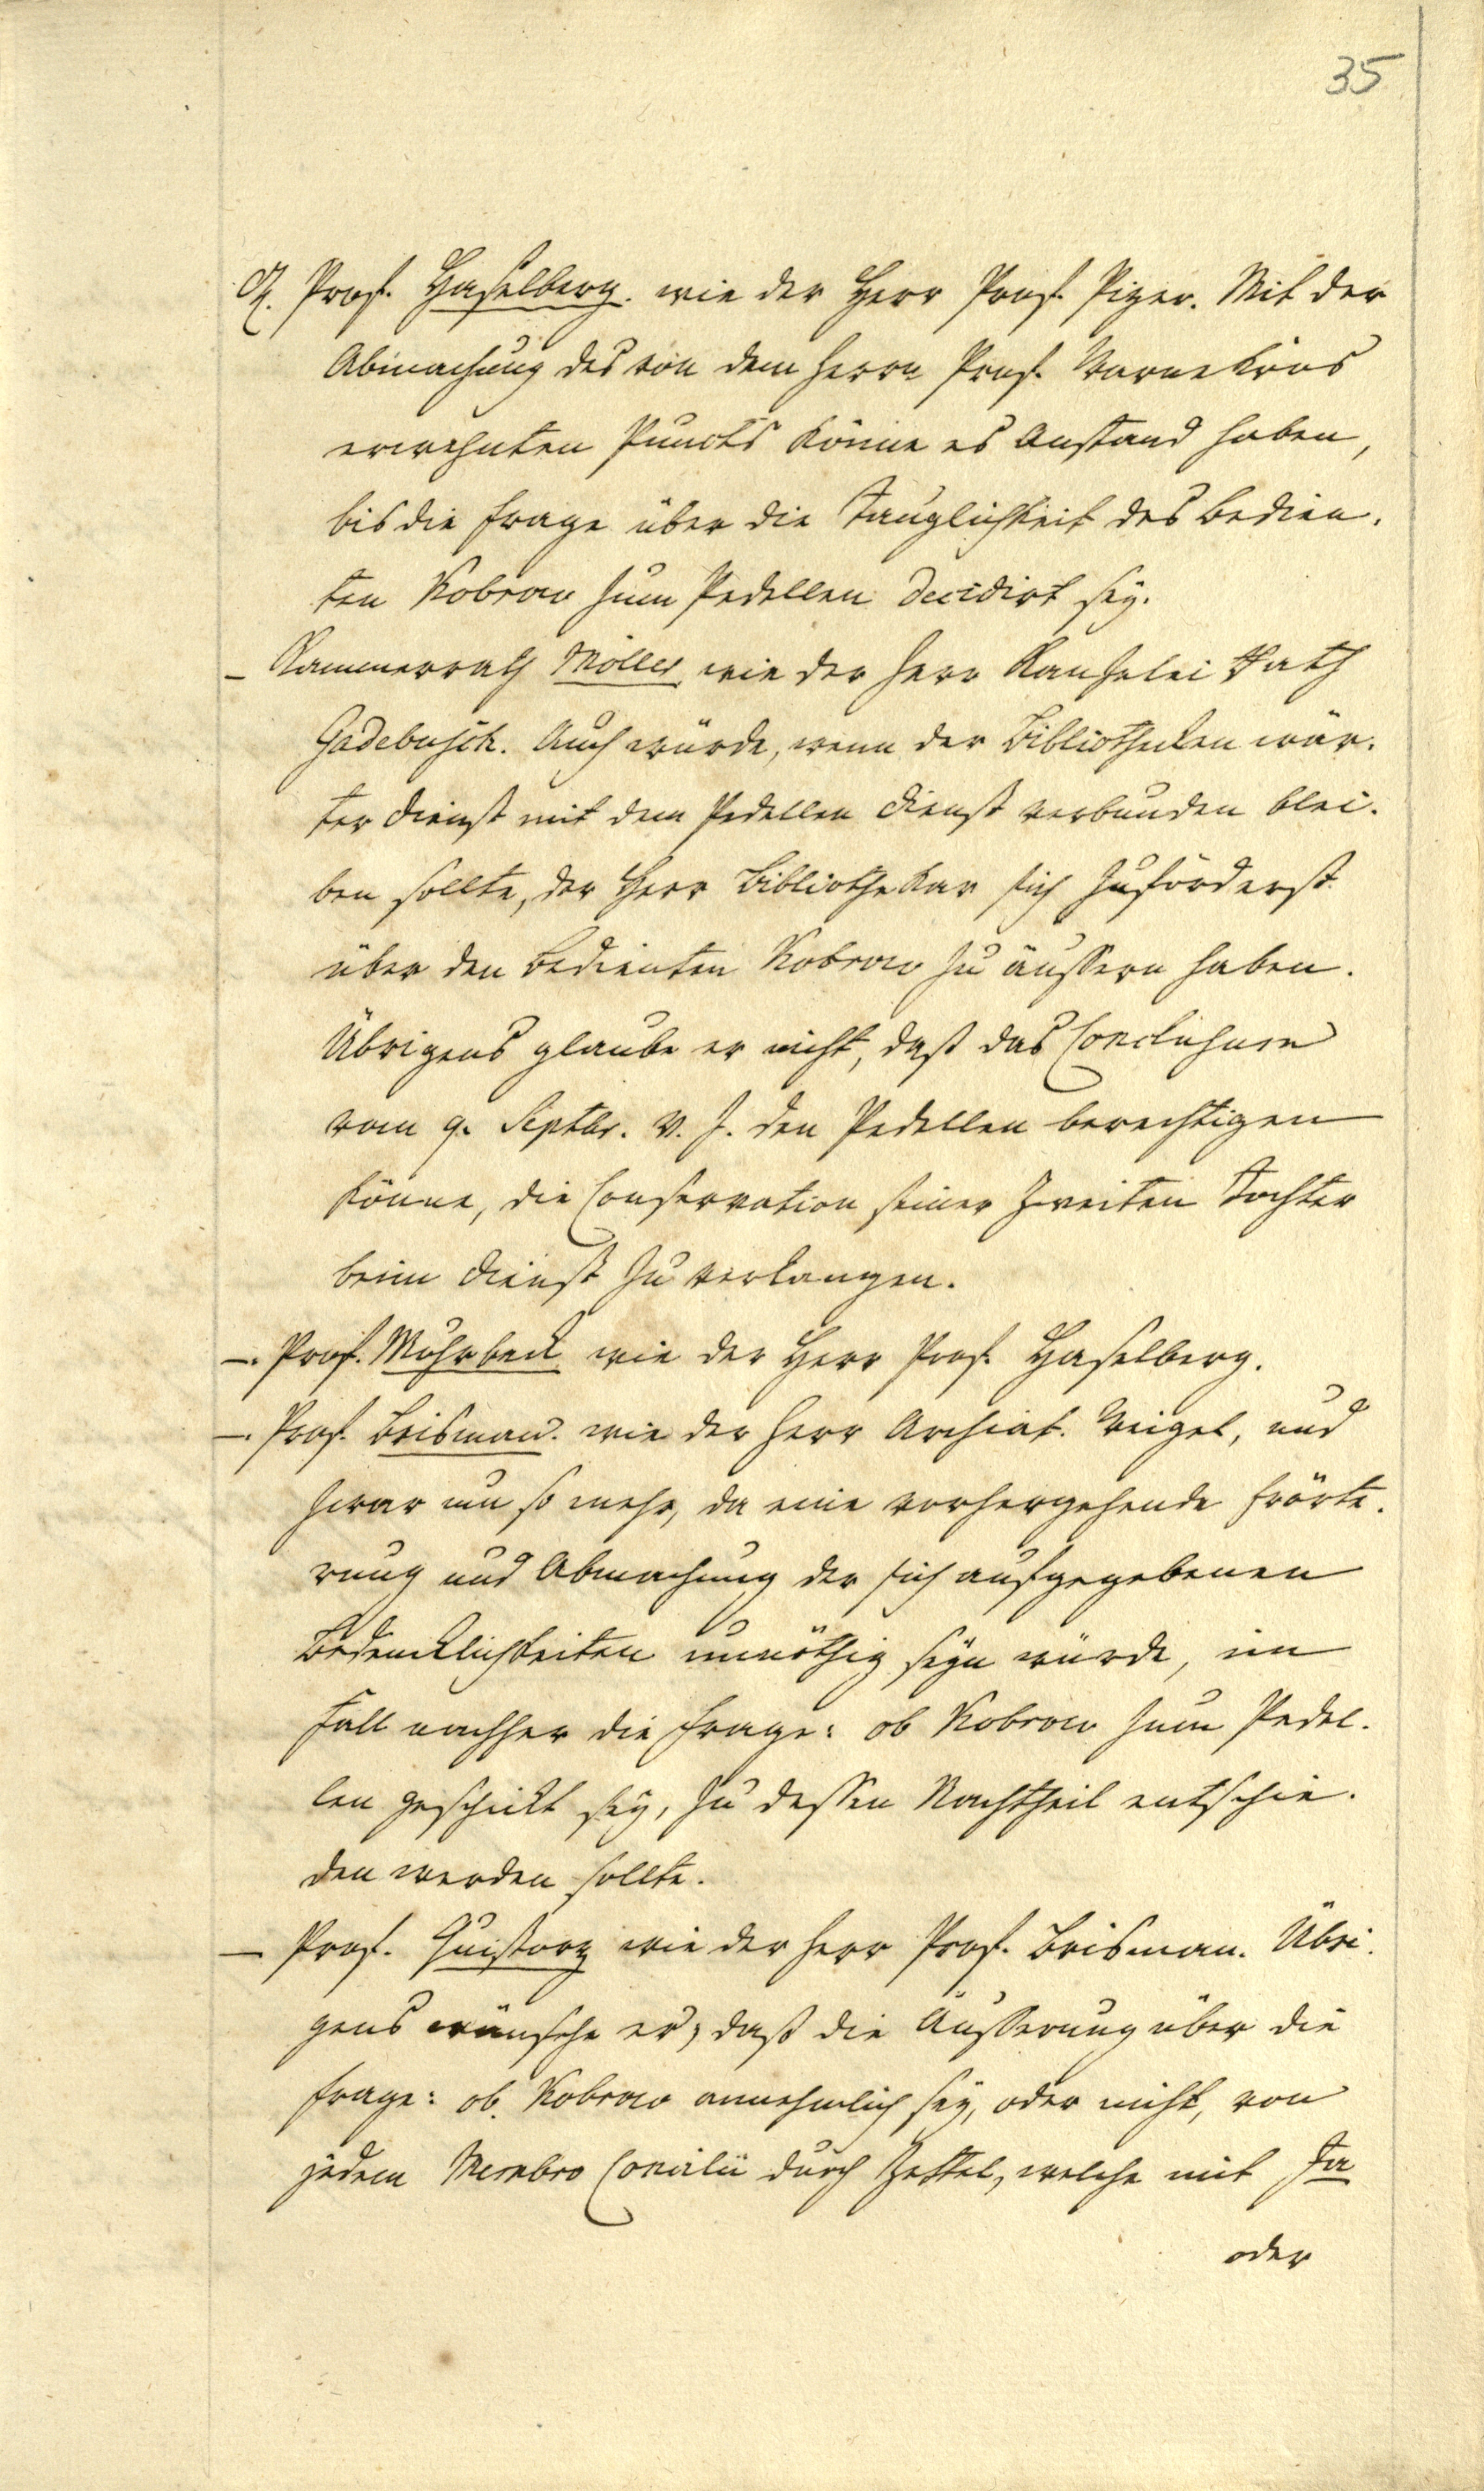dh. Prof. Haselberg. wie der Herr Prof. Piper. Mit der
Abmachung des von dem Herrn Prof. Warnekros
erwehnten Puncts könne es Anstand haben,
bis die Frage über die Tauglichteit des Bedien¬
ten Kobrow zum Pedellen decidirt seÿ.
Kammerrath Möller, wie der Herr Kanzelei Rath
Gadebusch. Auch würde, wenn der Bibliotheken wär¬
ter Dienst mit dem Pedellen Dienst verbunden blei¬
ben sollte, der Herr Bibliothekar sich zuförderst
über den Bedienten Kobrow zu äussern haben.
Übrigens glaube er nicht, daß das Conclusum
vom 9. Septbr. v. J. den Pedellen berechtigen
könne, die Conservation seiner zweiten Tochter
beim Dienst zu verlangen.
Prof. Muhrbeck wie der Herr Prof. Haselberg.
Prof. Brismann. wie der Herr Archiat. Weigel, und
zwar um so mehr, da eine vorhergehende Erörte¬
rung und Abmachung der sich aufgegebenen
Bedencklichkeiten nöthig seyn würde, im
Fall nachher die Frage: ob Kobrow zum Pedel¬
len geschickt seÿ, zu dessen Nachtheil entschie¬
den werden sollte.
Prof. Quistorp wie der Herr Prof. Brisman. Übri¬
gens wünsche er, daß die Äusserung über die
Frage: ob Kobrow annehmlich seÿ, oder nicht, von
jedem Membro Concilii durch Zettel, welche mit Ja
oder